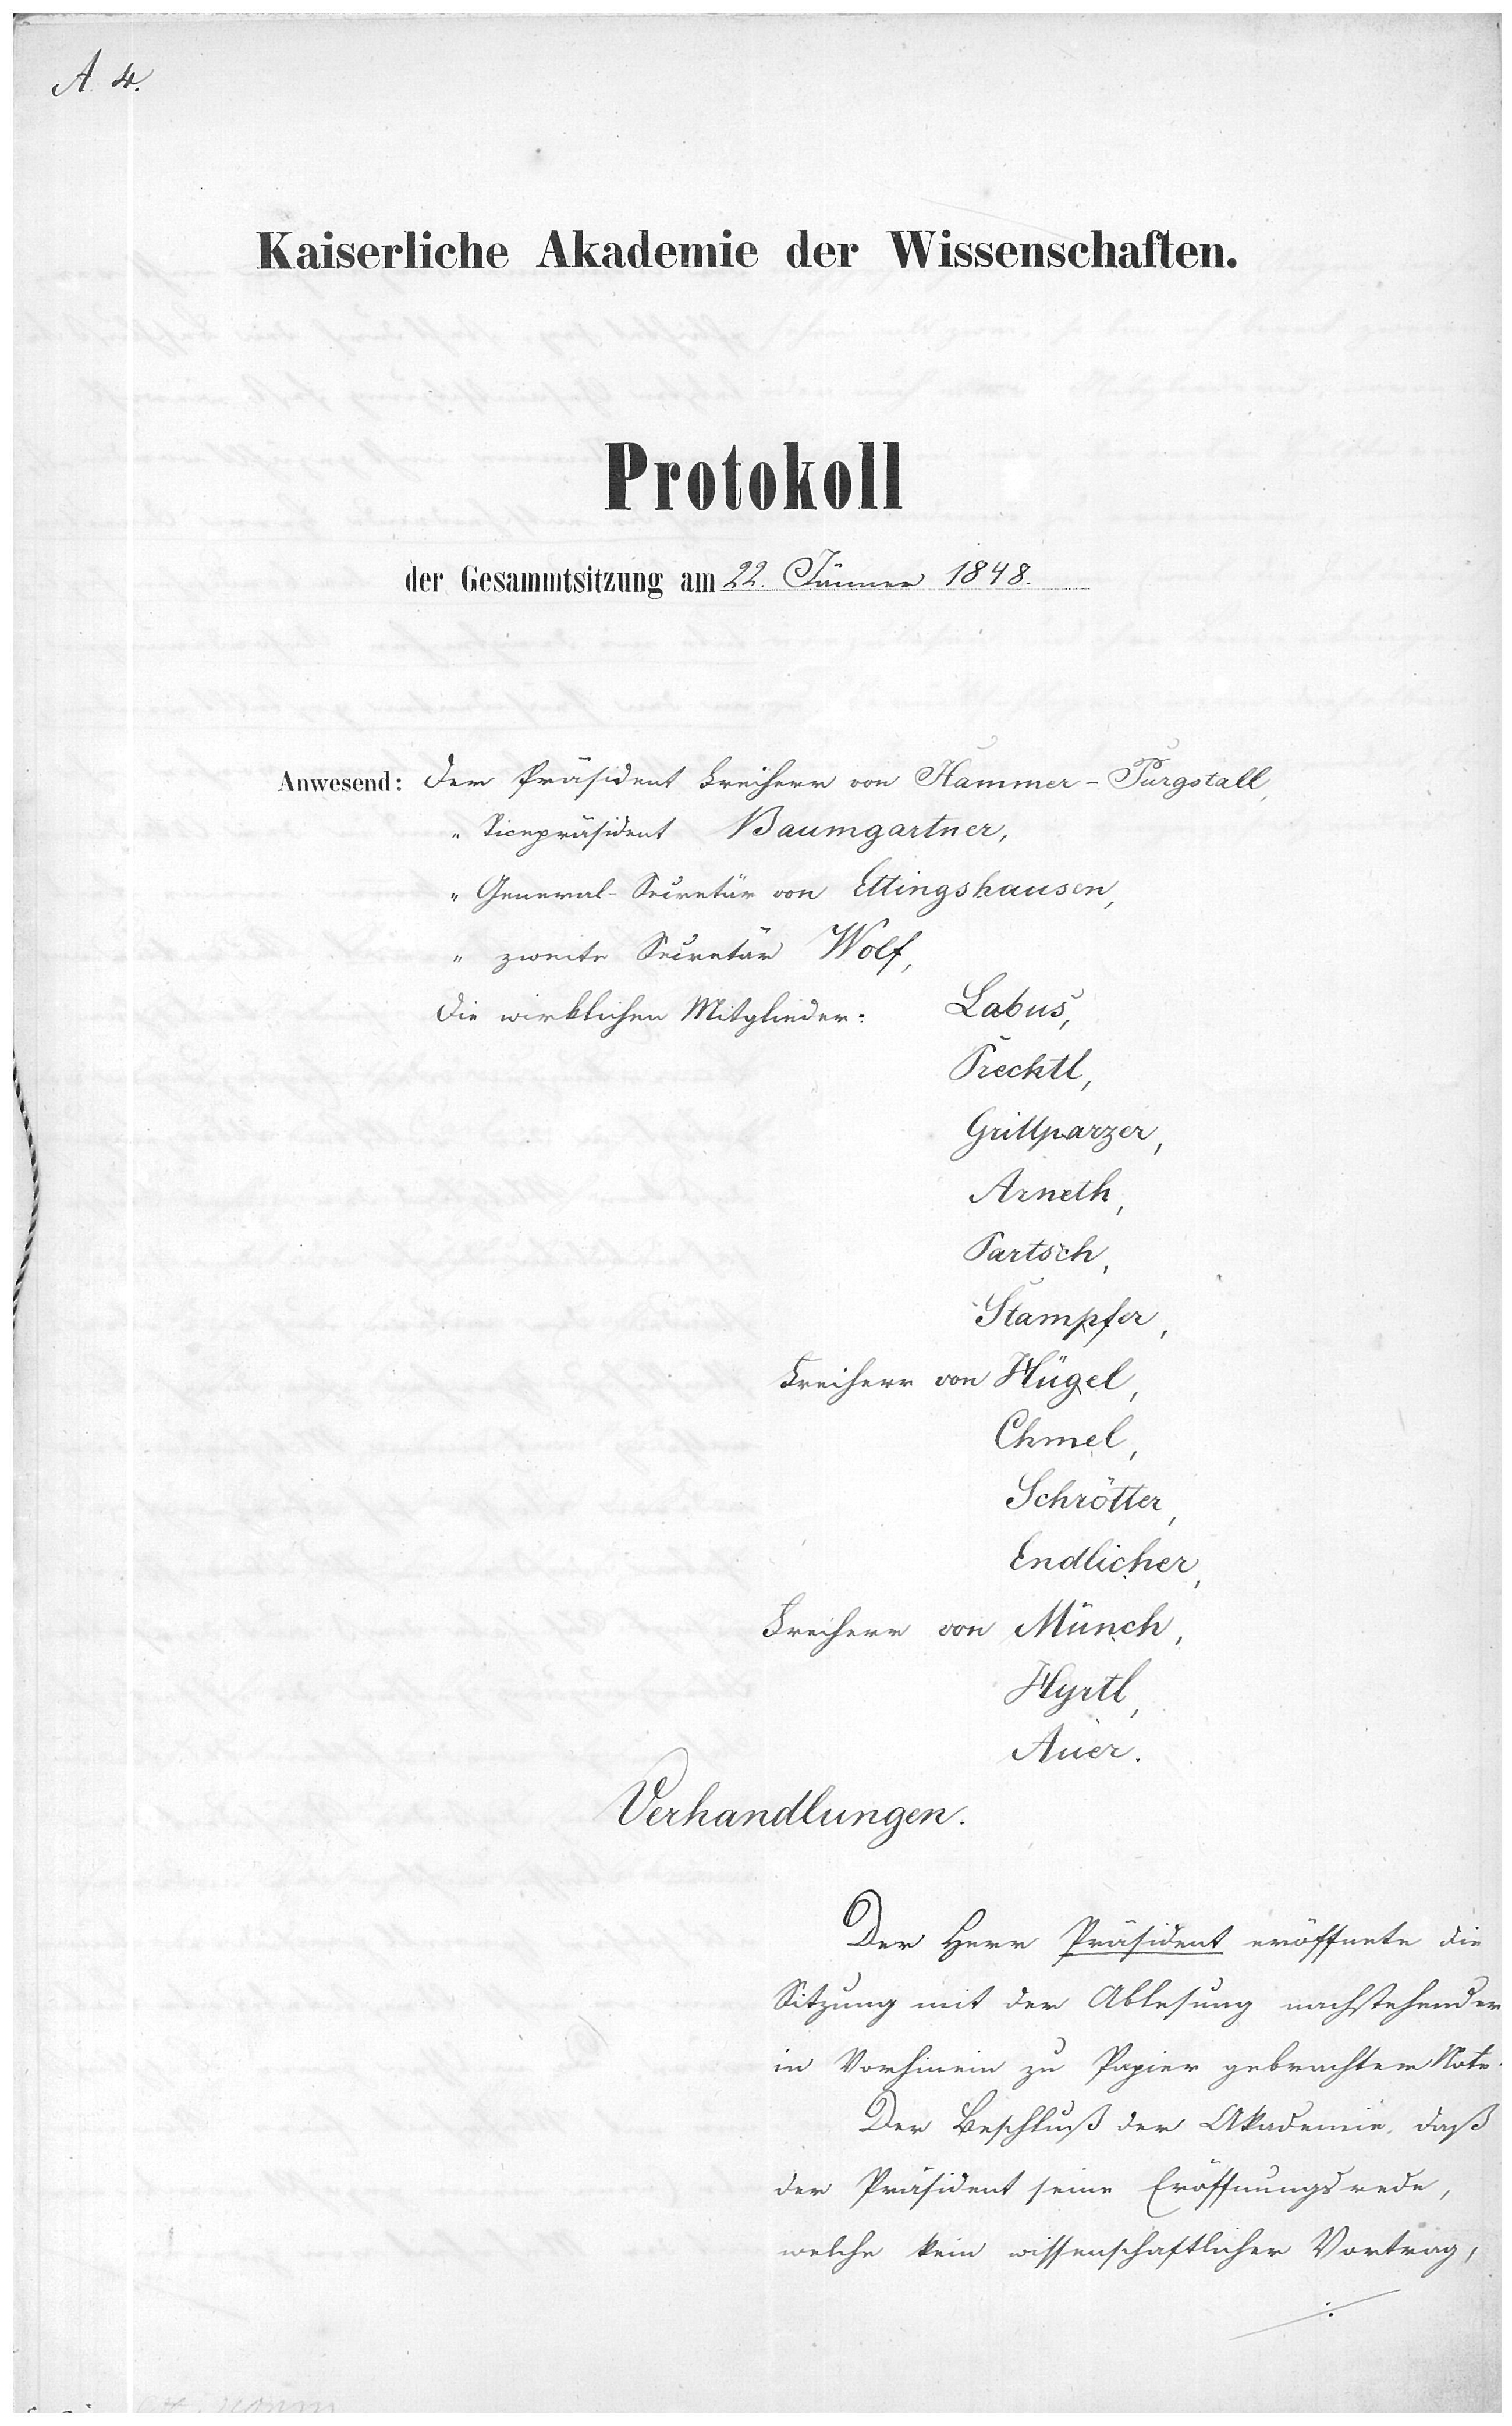A 4.
Kaiserliche Akademie der Wissenschaften
Protokoll
der Gesammtsitzung am 22. Jänner 1848
Anwesend: Der Präsident Freiherr von Hammer-Purgstall,
" Vicepräsident Baumgartner
" General-Secretär von Ettingshausen,
" zweiter Secretär Wolf,
die wirklichen Mitglieder: Labus,
Prechtl,
Grillparzer,
Arneth,
Partsch,
Stampfer,
Freiherr von Hügel,
Chmel,
Schrötter,
Endlicher,
Freiherr von Münch,
Hyrtl,
Auer.
Verhandlungen.
Der Herr Präsident veröffnet die
Sitzung mit der Ablesung nachstehender
in Vorhein zu Papier gebrachter Note:
Der Beschluß der Akademie, daß
der Präsident seine Eröffnungsrede,
welche kein wissenschaftlicher Vortrag,